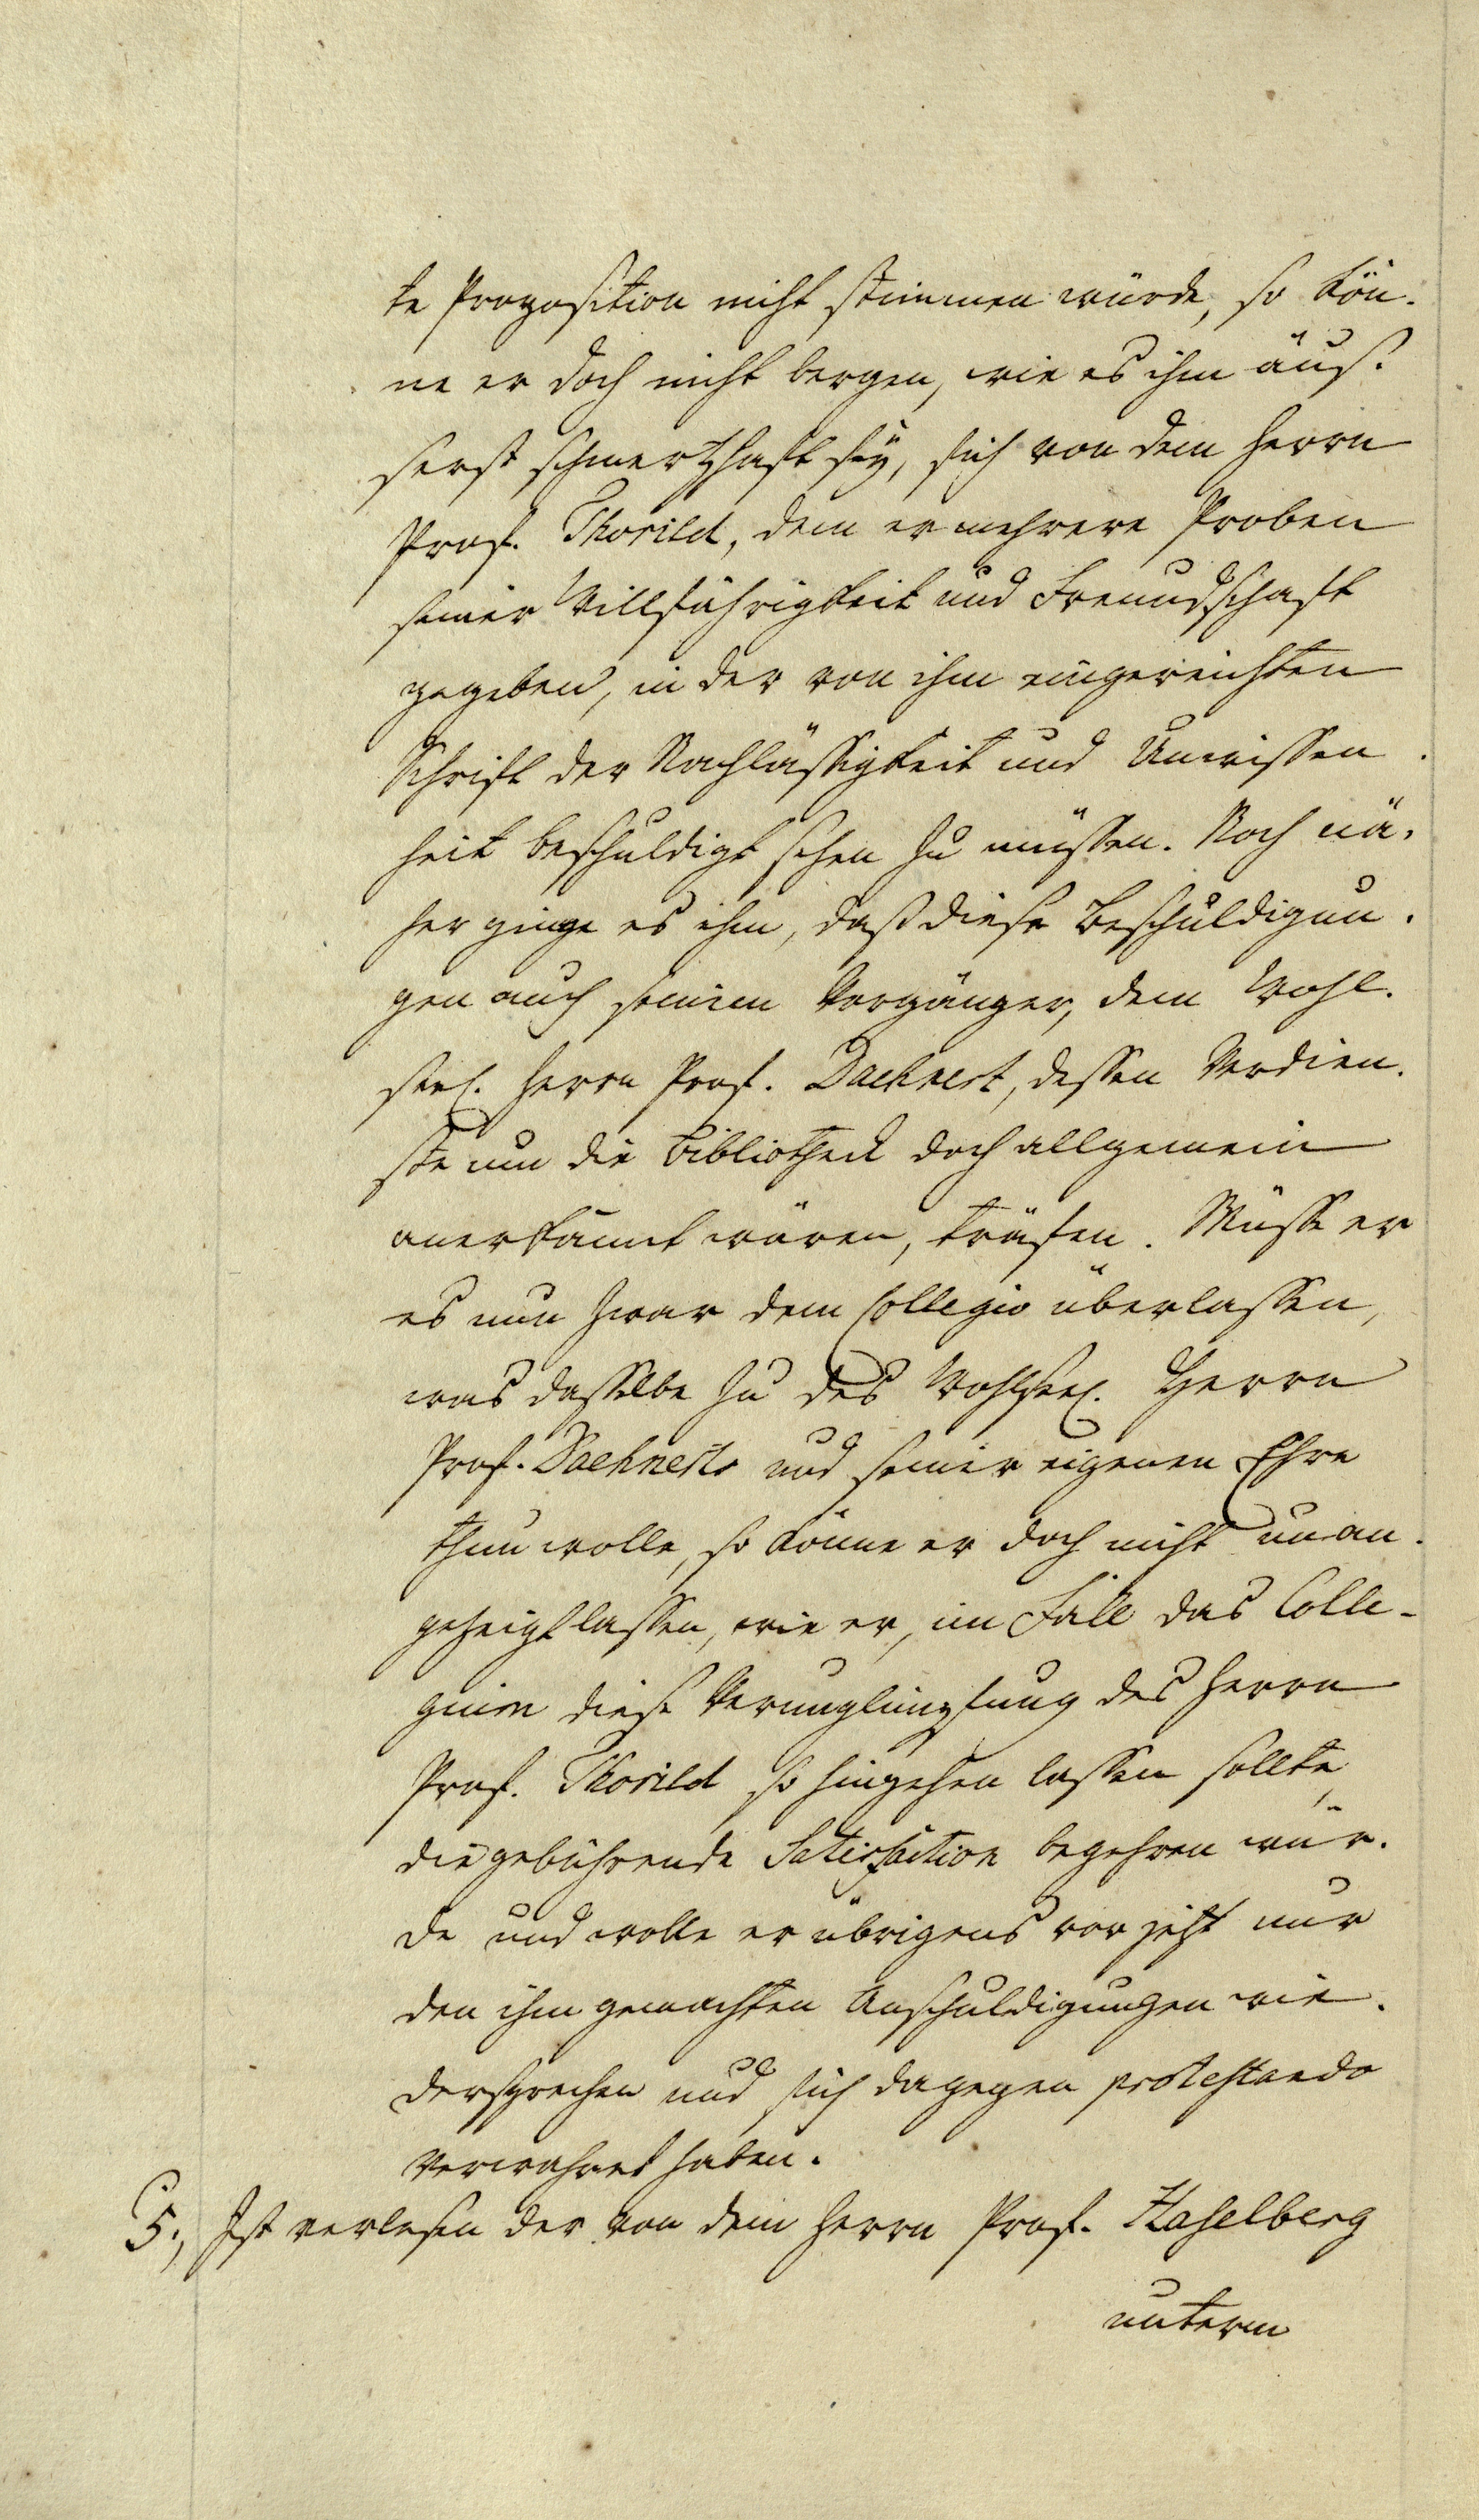te Proposition nicht stimmen würde, so kön¬
ne er doch nicht bergen, wie es ihm äus¬
serst schmertzhaft seÿ, sich von dem Herrn
Prof. Thorild, dem er mehrere Proben
seiner Willfährigteit und Freundschaft
gegeben, in der von ihm eingereichten
Schrift der Nachlässigkeit und Unwissen¬
heit beschuldigt sehen zu müssen. Noch nä¬
her ginge es ihm, daß diese Beschuldigun¬
gen auch seinem Vorgänger, dem Wohl¬
seel. Herrn Prof. Daehnert, dessen Verdien¬
ste um die Bibliothek doch allgemein
anerkannt wären, träfen. Müsse er
es nun zwar dem Collegio überlassen,
was dasselbe zu des Wohlseel. Herrn
Prof. Daehnerts und seiner eigenen Ehre
thun wolle, so könne er doch nicht unan¬
gezeigt lassen, wie er im Fall das Colle¬
gium diese Verunglimpfung des Herrn
Prof. Thorild so hingehen lassen sollte,
die gebührende Satisfaction begehren wür¬
den und wolle er übrigens vor jetzt nur
den ihm gemachten Anschuldigungen wie¬
dersprechen und sich dagegen protestando
verwahret haben:
5., Ist verlesen der von dem Herrn Prof. Haselberg
unterm